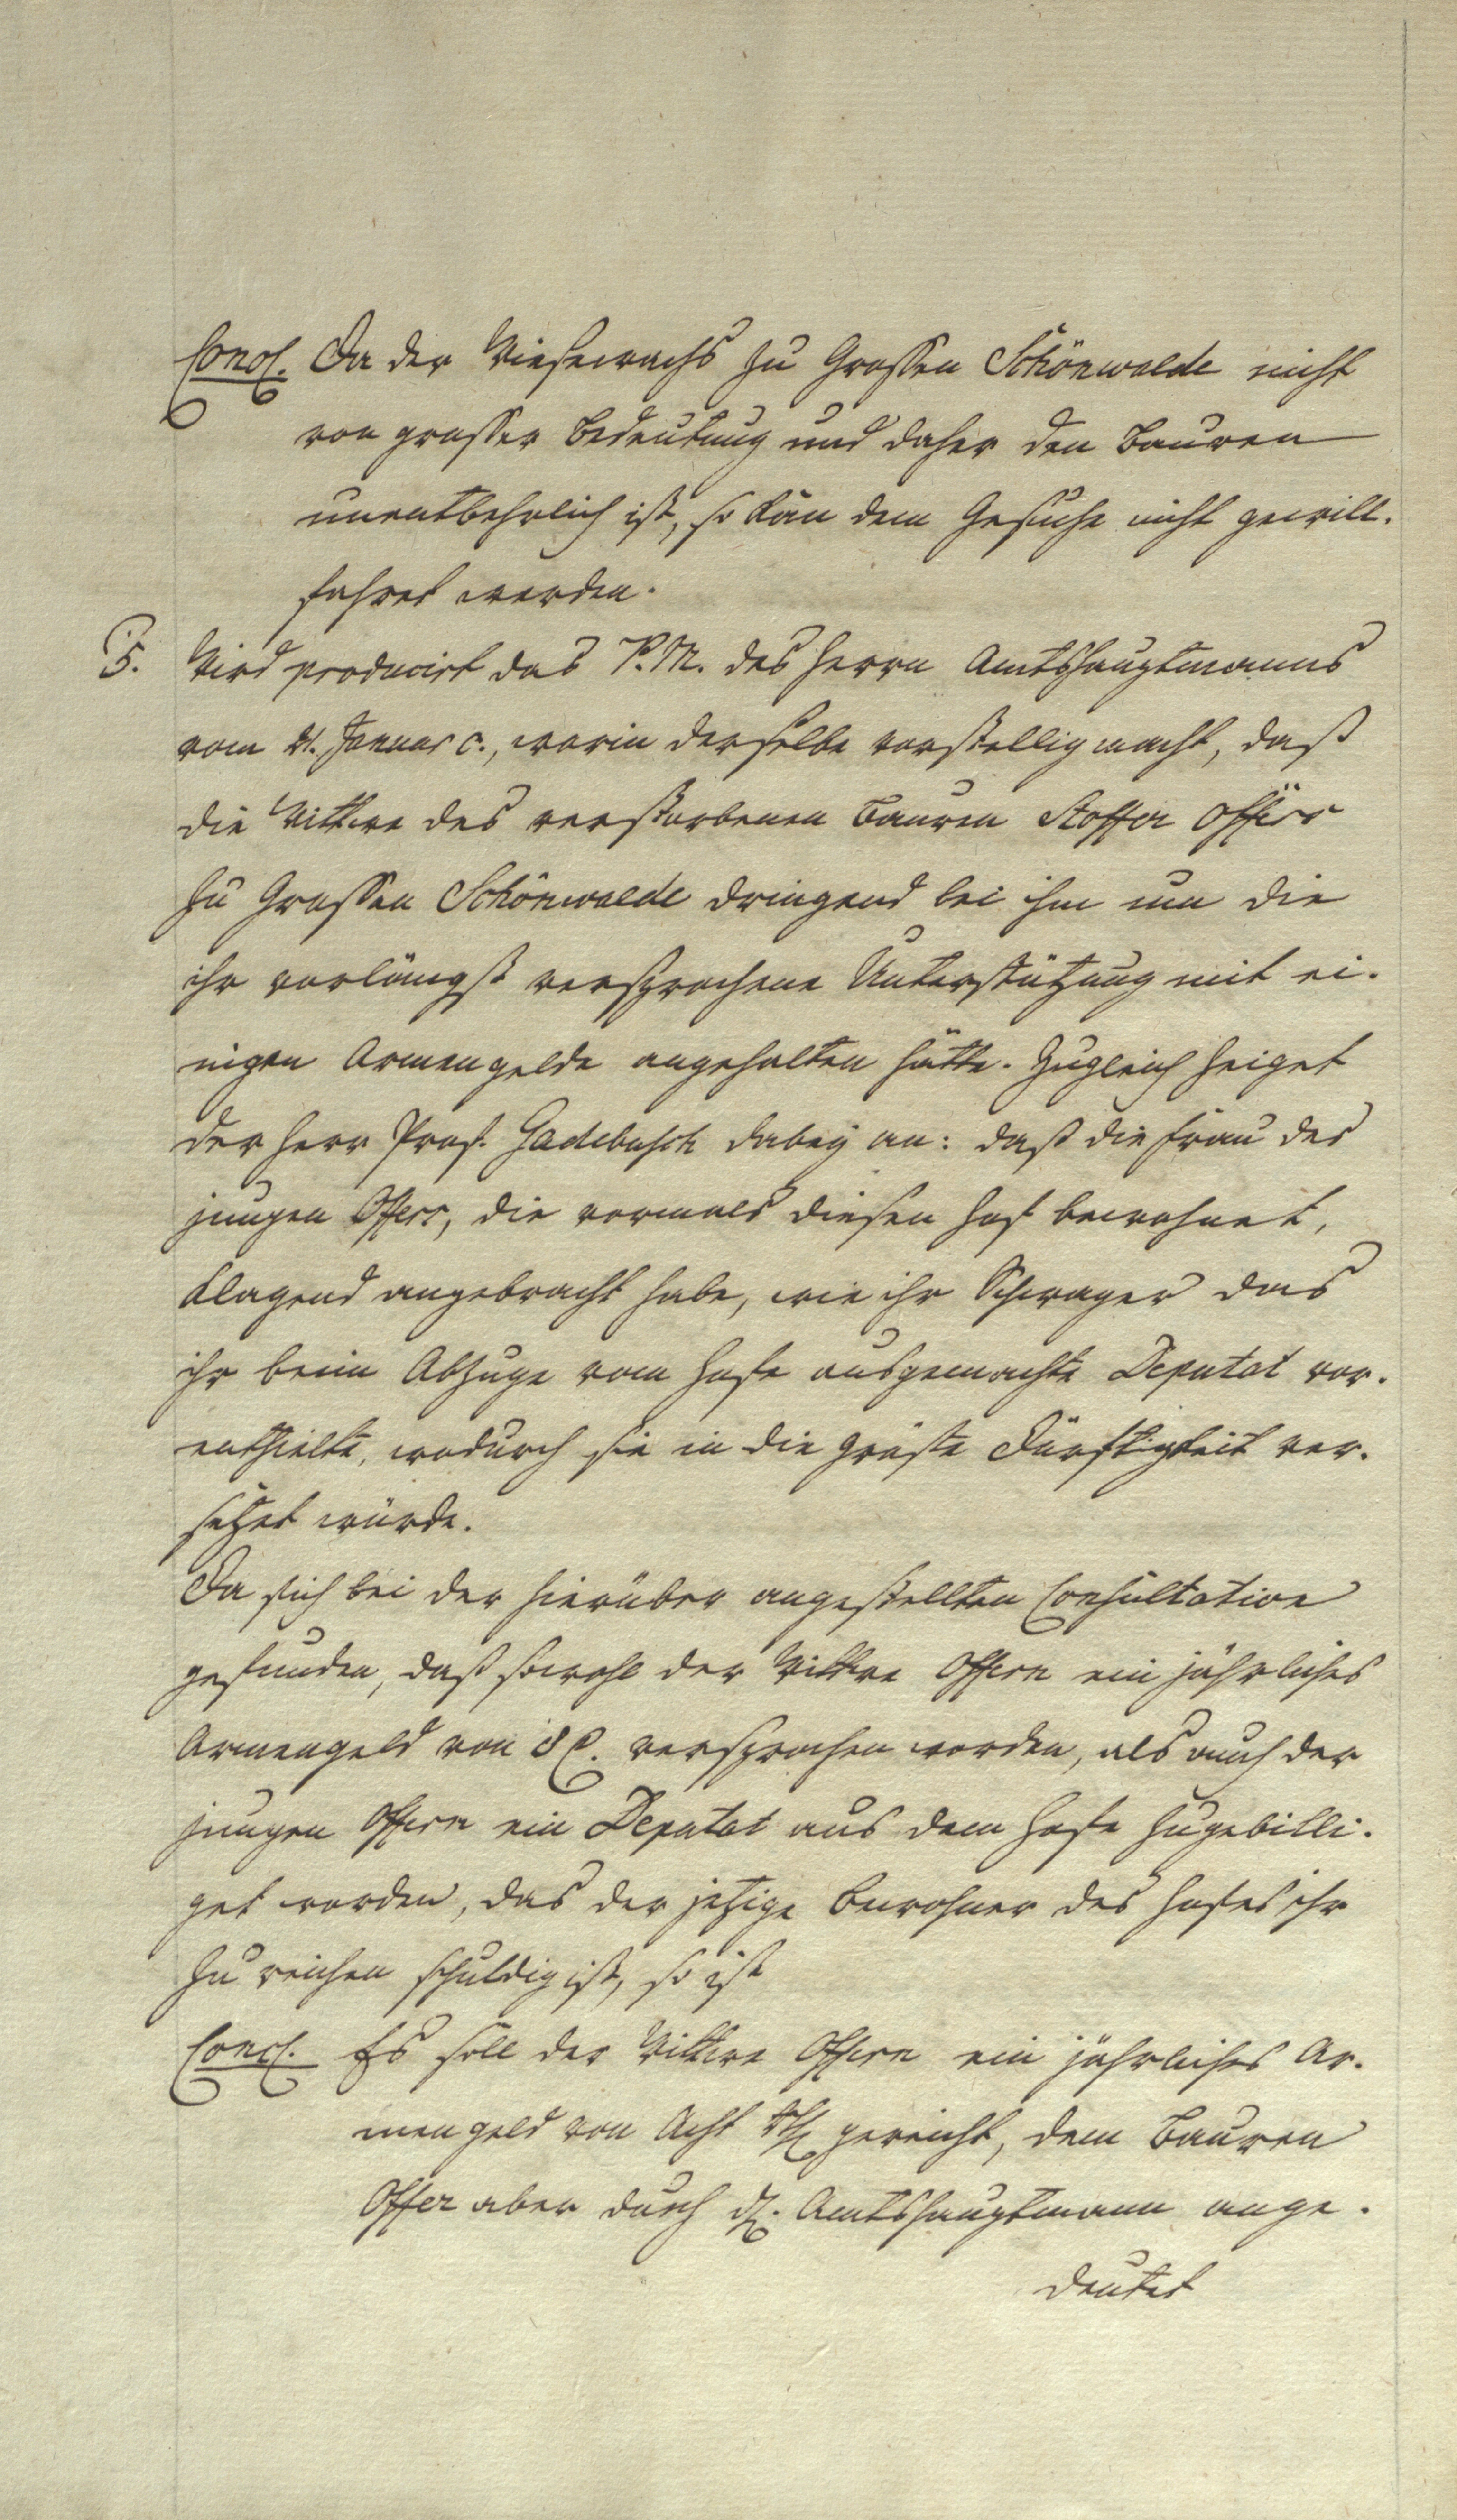Concl. Da der Wiesenwachs zu Grossen Schönwalde nicht
von grosser Bedeutung und daher den Bauren
unentbehrlich ist, so kan dem Gesuche nicht gewill¬
fahret werden.
5. Wird producirt das P. M. des Herrn Amtshauptmanns
vom 21. Januar c., worin derselbe vorstellig macht, daß
die Wittwe des verstorbenen Bauren Stoffer Offers
zu Grossen Schönwalde dringend bei ihm um die
ihr vorlängst versprochene Unterstützung mit ei¬
nigen Armengelde angehalten hätte. Zugleich zeiget
der Herr Prof. Gadebusch dabey an: daß die Frau des
jungen Offers, die vormals diesen Hof bewohnet,
klagend angebracht habe, wie ihr Schwager das
ihr beim Abzuge vom Hofe ausgemachte Deputat vor-
enthielte, wodurch sie in die größte Dürftigkeit ver-
setzet würde.
Da sich bei der hierüber angestellten Consultation
gefunden, daß sowohl der Wittwe Offern ein jährliches
Armengeld von 8 rtl. versprochen worden, als auch der
jungen Offern ein Deputat aus dem Hofe zugebilli¬
get worden, das der jetzige Bewohner des Hofes ihr
zu reichen schuldig ist, so ist
Concl. Es soll der Wittwe Offern ein jährliches Ar¬
mengeld von Acht Rthl. greicht, dem Bauren
Offer aber durch dh. Amtshauptmann ange¬
deutet